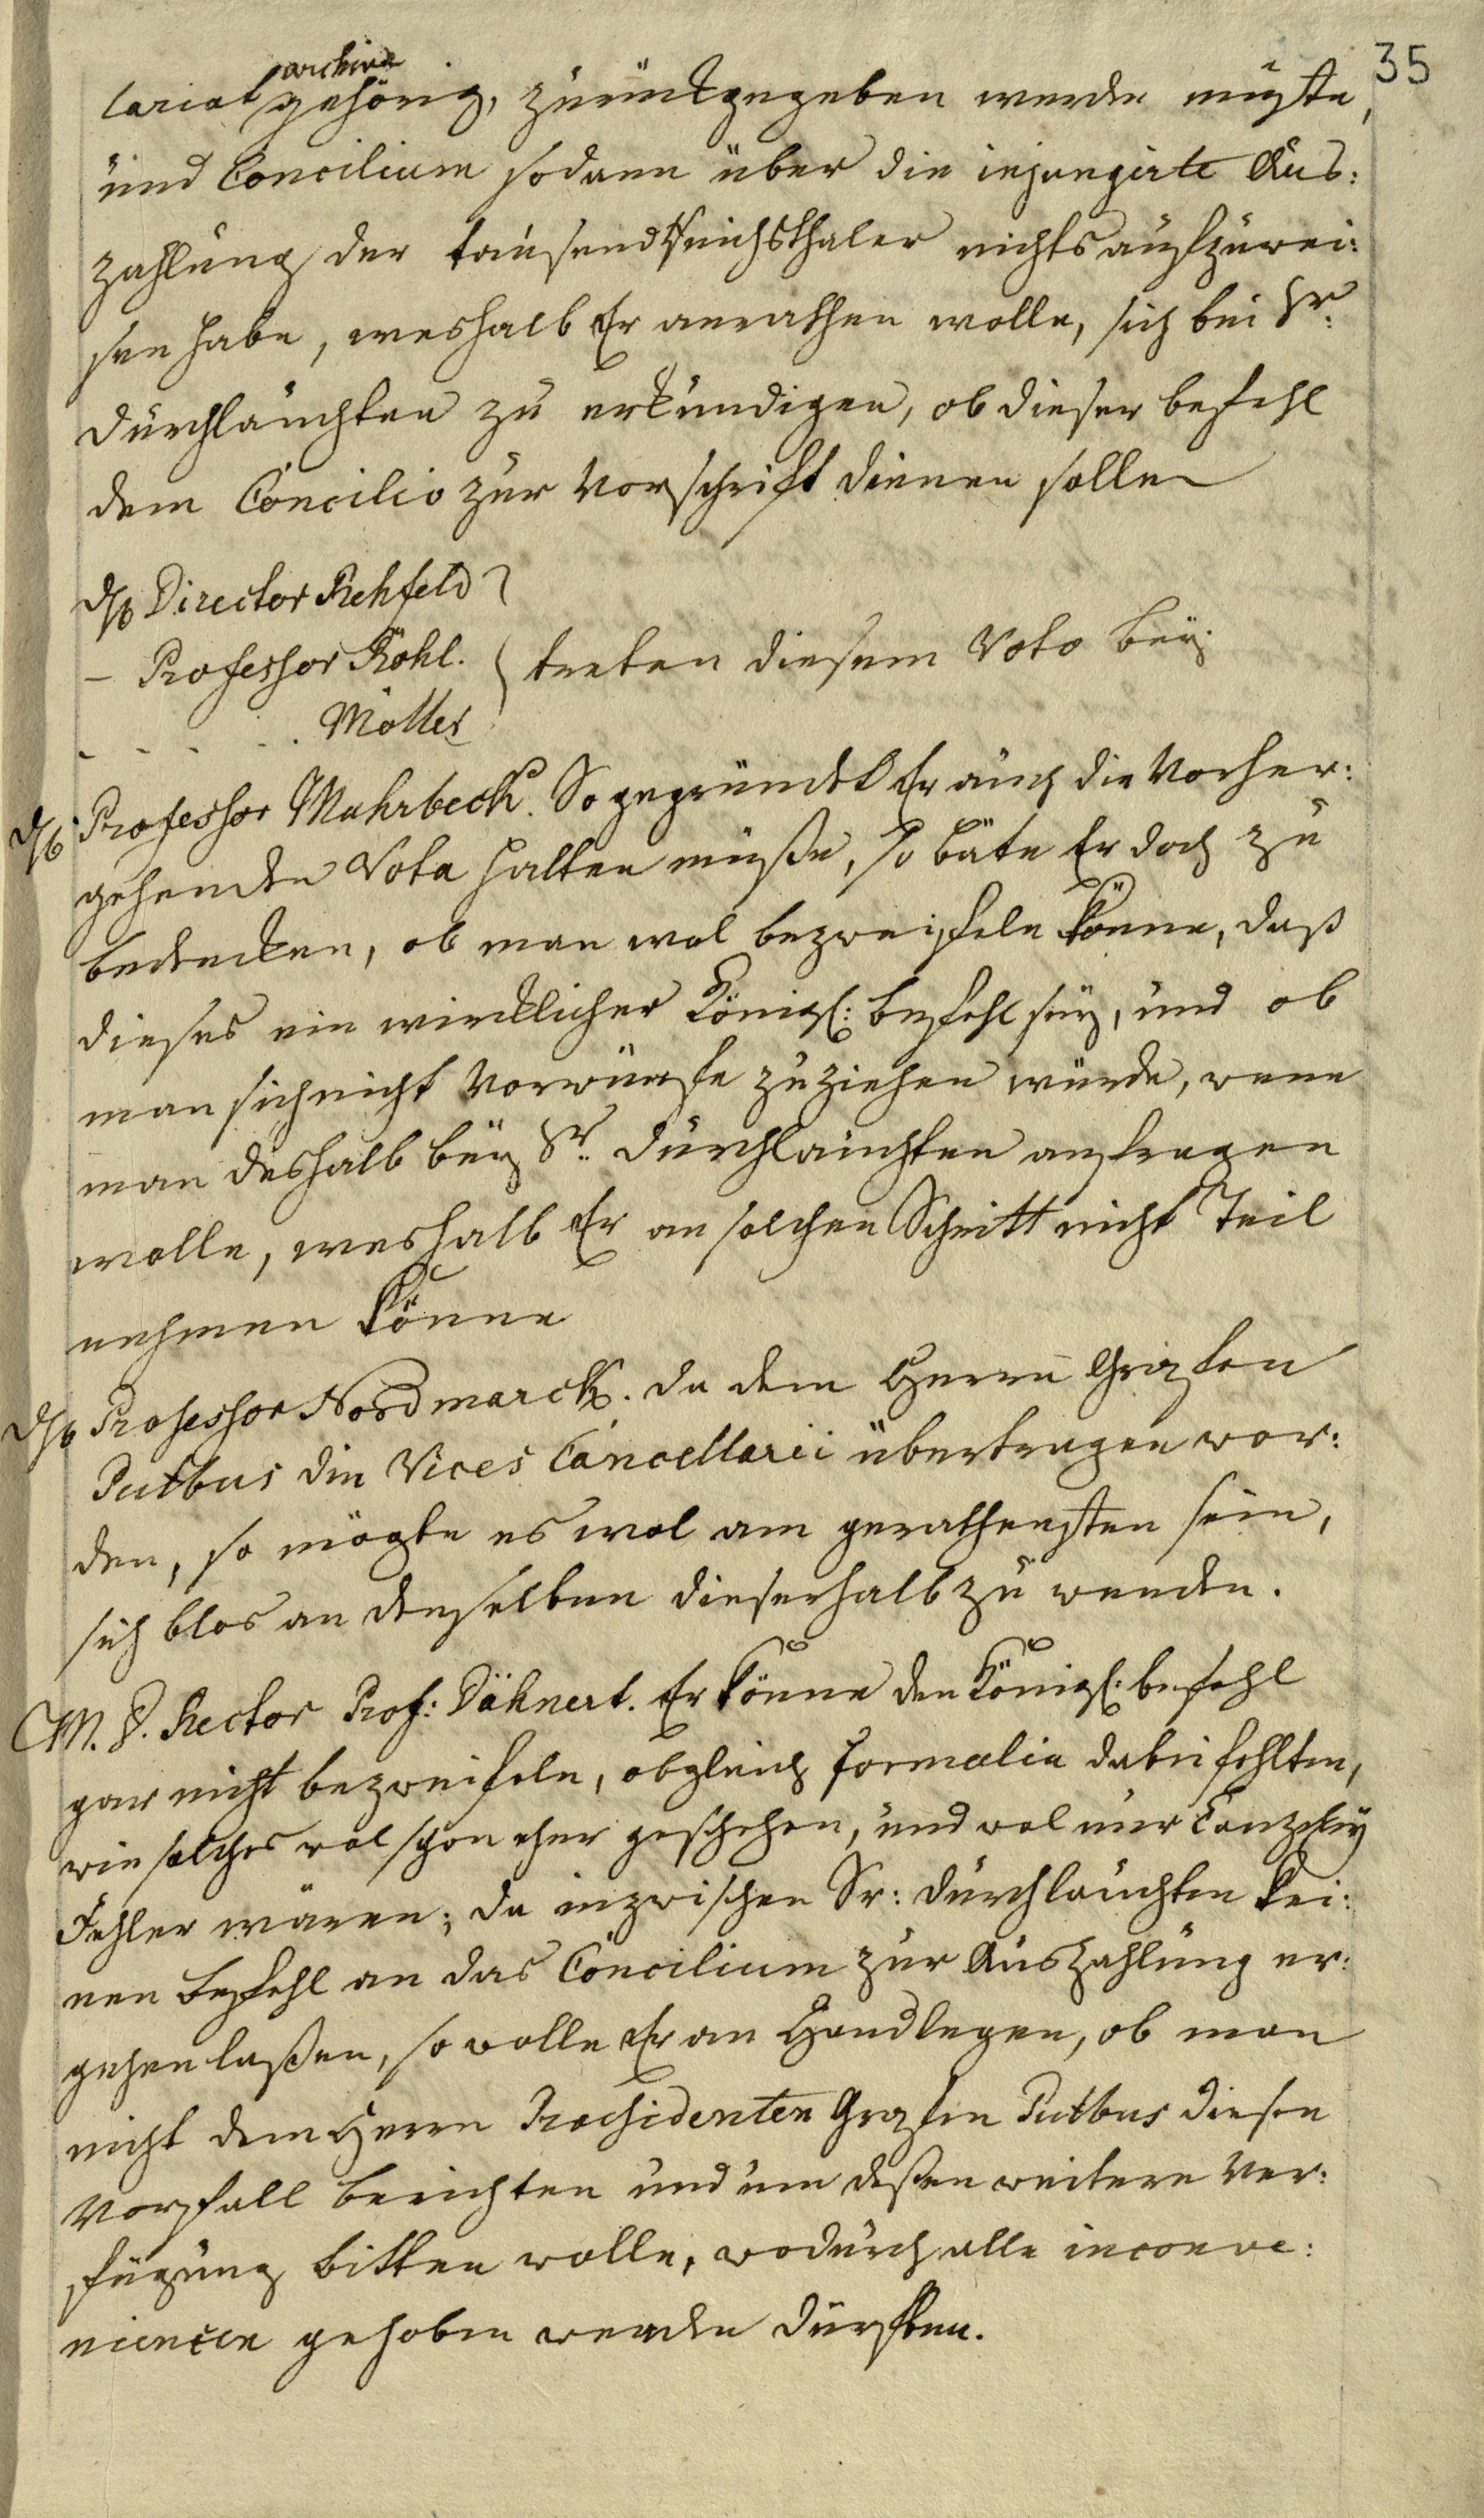archive
larial gehörig, zurückgegeben werden mögte,
und Cocilium sodann über die injungirte Aus¬
zahlung der Tausend Reichsthaler nichts aufzuwei¬
sen habe, weshalb Er anrathen wolle, sich bei Sr
Durchlauchten zu erkundigen, ob dieser Befehl
dem Concilio zur Vorschrift dienen solle
dh. Director Rehfeld
Professor Röhl treten diesem Voto beÿ.
Möller
dh. Professor Muhrbeck. So gegründet Er auch die vorher¬
gehenden Vota halten müße, so bäte Er doch zu
bedencken, ob man wohl bezweifeln könne, daß
dieser ein wircklicher Königl. Befehl seÿ,und ob
man sich nicht Vorwürfe zuziehen würde, wenn
man deshalb beÿ Sr Durchlauchten anfragen
wolle, weshalb Er an solchen Schritt nicht Teil
nehmen könne.
dh. Prof. Nordmarck. da dem Herrn Grafen
Putbus die Vices Cancellarii übertragen wor¬
den, so mögte es wol am gerathensten sein,
sich blos an denselben dieserhalb zu wenden.
M. D. Rector Prof. Dähnert. Er könne den Königl. Befehl
gar nicht bezweifeln, obgleich formalia dabei fehlten,
wie solches wol schon eher geschehen, und wol nur Canzeleÿ
Fehler wären; da inzwischen Sr Durchlauchten kei¬
nen Befehl an das Concilium zur Auszahlung er¬
gehen laßen, so wolle Er an Hand legen, ob man
nicht dem Herrn Praesidenten Grafen Putbus diesen
Vorfall berichten und um deßen weitere Ver¬
fügung bitten wolle, wodurch alle inconve¬
niencen gehoben werden dürften.